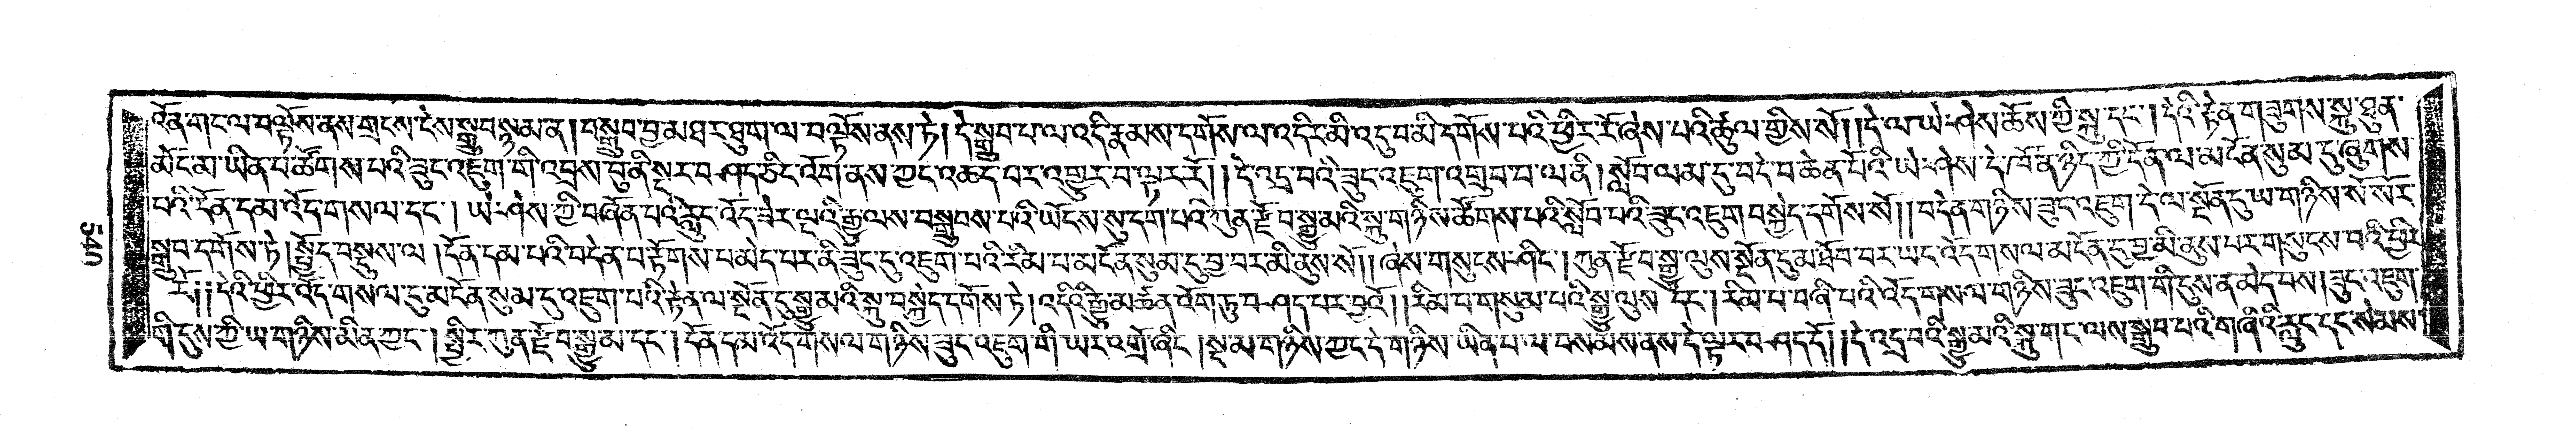འོ་ན་གང་ལ་བལྟོས་ནས་གྲངས་ངེས་སྒྲུབ་སྙམ་ན། བསྒྲུབ་བྱ་མཐར་ཐུག་ལ་བལྟོས་ནས་ཏེ། དེ་སྒྲུབ་པ་ལ་འདི་རྣམས་དགོས་ལ་འདིར་མི་འདུ་བ་མི་དགོས་པའི་ཕྱིར་རོ་ཞེས་པའི་ཚུལ་གྱིས་སོ། །དེ་ལ་ཡེ་ཤེས་ཆོས་ཀྱི་སྐུ་དང་། དེའི་རྟེན་གཟུགས་སྐུ་ཐུན་
མོང་མ་ཡིན་པ་ཚོགས་པའི་ཟུང་འཇུག་གི་འབྲས་བུ་ནི་སྔར་བཤད་ཅིང་འོག་ནས་ཀྱང་འཆད་པར་འགྱུར་བ་ལྟར་རོ། །དེ་འདྲ་བའི་ཟུང་འཇུག་འགྲུབ་པ་ལ་ནི། སློབ་ལམ་དུ་བདེ་བ་ཆེན་པོའི་ཡེ་ཤེས་དེ་ཁོ་ན་ཉིད་ཀྱི་དོན་ལ་མངོན་སུམ་དུ་ཞུགས་
པའི་དོན་དམ་འོད་གསལ་དང་། ཡེ་ཤེས་ཀྱི་བཞོན་པའི་རླུང་འོད་ཟེར་ལྔའི་རྒྱུ་ལས་བསྒྲུབས་པའི་ཡོངས་སུ་དག་པའི་ཀུན་རྫོབ་སྒྱུ་མའི་སྐུ་གཉིས་ཚོགས་པའི་སློབ་པའི་ཟུང་འཇུག་བསྐྱེད་དགོས་སོ། །བདེན་གཉིས་ཟུང་འཇུག་དེ་ལ་སྔོན་དུ་ཡ་གཉིས་སོ་སོར་
སྒྲུབ་དགོས་ཏེ། སྤྱོད་བསྡུས་ལ། དོན་དམ་པའི་བདེན་པ་རྟོགས་པ་མེད་པར་ནི་ཟུང་དུ་འཇུག་པའི་རིམ་པ་མངོན་སུམ་དུ་བྱ་བར་མི་ནུས་སོ། །ཞེས་གསུངས་ཤིང་། ཀུན་རྫོབ་སྒྱུ་ལུས་སྔོན་དུ་མ་ཐོབ་པར་ཡང་འོད་གསལ་མངོན་དུ་བྱ་མི་ནུས་པར་གསུངས་པའི་ཕྱིར་
རོ། །དེའི་ཕྱིར་འོད་གསལ་དུ་མངོན་སུམ་དུ་འཇུག་པའི་རྟེན་ལ་སྔོན་དུ་སྒྱུ་མའི་སྐུ་བསྐྱེད་དགོས་ཏེ། འདིའི་རྒྱུ་མཚན་འོག་ཏུ་བཤད་པར་བྱའོ། །རིམ་པ་གསུམ་པའི་སྒྱུ་ལུས་དང་། རིམ་པ་བཞི་པའི་འོད་གསལ་གཉིས་ཟུང་འཇུག་གི་དུས་ན་མེད་པས། ཟུང་འཇུག་
གི་དུས་ཀྱི་ཡ་གཉིས་མིན་ཀྱང་། སྤྱིར་ཀུན་རྫོབ་སྐྱུ་མ་དང་། དོན་།དམ་འོད་གསལ་གཉིས་ཟུང་འཇུག་གི་ཡར་འགྲོ་ཞིང་། སྔ་མ་གཉིས་ཀྱང་དེ་གཉིས་ཡིན་པ་ལ་བསམས་ནས་དེ་ལྟར་བཤད་དོ། །དེ་འདྲ་བའི་སྒྱུ་མའི་སྐུ་གང་ལས་སྒྲུབ་པའི་གཞིའི་རླུང་དང་སེམས་